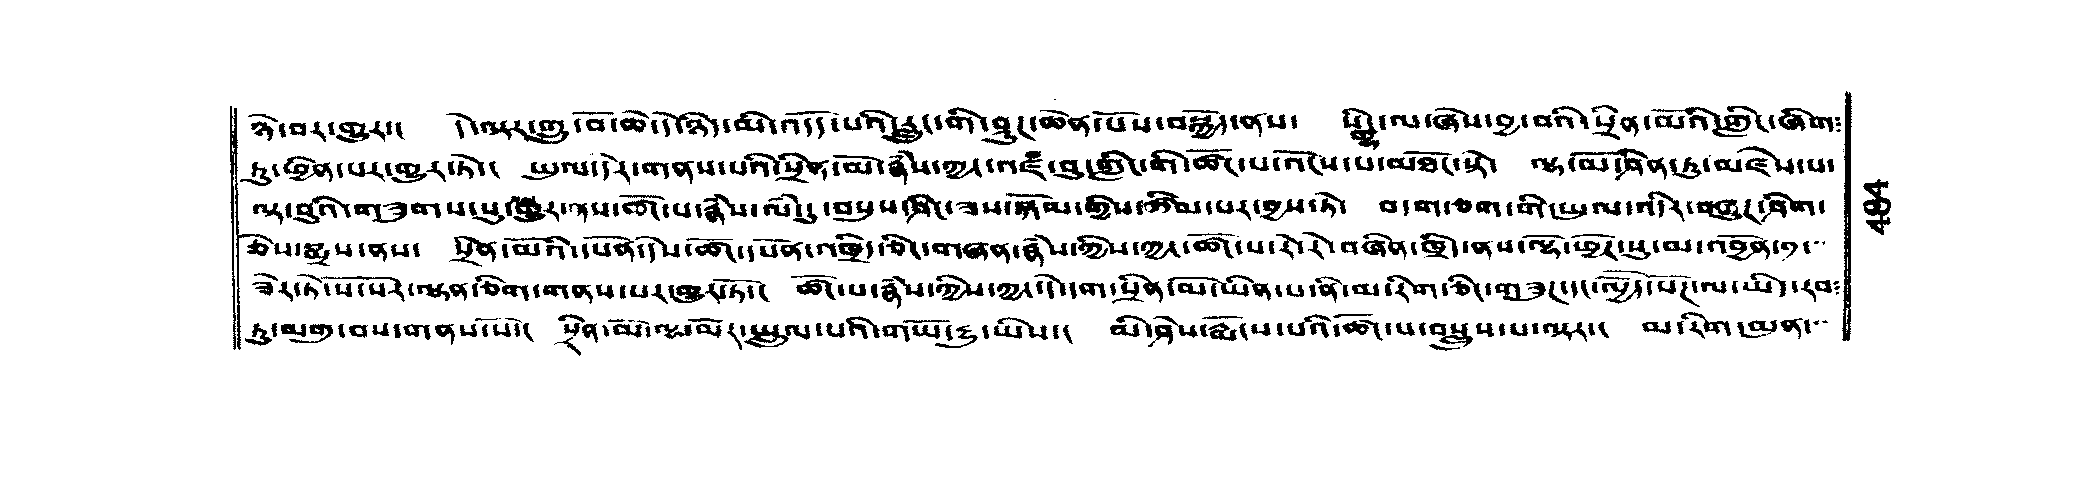ཉེ་བར་གྱུར། དེ་ལྟར་གྲུ་བོ་ཆེ་དེ་ཉིད་མི་འདོད་པའི་རླུང་གི་ཤུགས་ཆེན་པོས་བསྐྱོད་ནས།སིང་ག་ལ་ཞེས་བྱ་བའི་སྲིན་མོའི་གླིང་ཞིག་
ཏུ་ཕྱིན་པར་གྱུར་ཏེ། ཡུལ་དེར་གནས་པའི་སྲིན་མོ་རྣམས་ཀྱང་འཛམ་བུ་གླིང་གི་ཚོང་པ་འོངས་པ་མཐོང་སྟེ། ལྷ་མོ་ཤིན་ཏུ་མཛེས་པ་
ལྟ་བུའི་གཟུགས་སུ་སྒྱུར་ནས་ཚོང་པ་རྣམས་ལམ་དུ་བསུས་ཤིང་ཟས་སྐོམ་གྱིས་ཚིམ་པར་བྱས་ཏེ། བདག་ཅག་གི་ཡུལ་འདིར་ཞུགས་ཤིག་
ཅེས་སྨྲས་ནས། སྲིན་མོའི་དཔོན་དེས་ཚོང་དཔོན་འཁྲིད་ཅིང་གཞན་རྣམས་ཀྱིས་ཀྱང་ཚོང་པ་རེ་རེ་བཞིན་ཁྲིད་ནས་ལྷོ་ཕྱོགས་སུ་མ་བྱོན་ཞིག་
ཟེར་ཏེ་སོ་སོར་ལྷན་ཅིག་གནས་པར་གྱུར་ཏོ། ཚོང་པ་རྣམས་ཀྱིས་ཀྱང་དེ་དག་སྲིན་མོ་ཡིན་པ་ནི་མ་རིག་ཅིང་གཟུགས་དང་ལོངས་སྤྱོད་སོགས་ལ་ཡིད་རབ་
ཏུ་མགུ་བས་གནས་སོ། སྲིན་མོ་ལྷ་མོར་སྤྲུལ་པའི་གཡོ་རྒྱུ་ཡིས། །མི་ཤེས་རྨོངས་པའི་ཚོང་པ་བསླུས་པ་ལྟར། །མ་རིག་མུན་